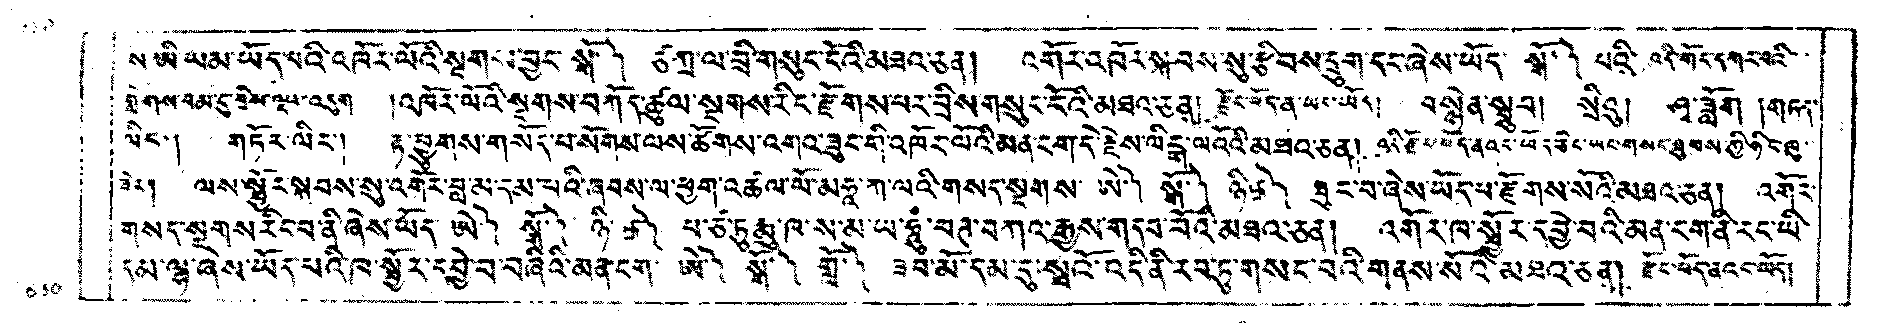ས་ཨི་ཡམ་ཡོད་པའི་འཁོར་ལོའི་སྔགས་བྱང་སྒ྄ོ་ཙཀྲ་ལ་བྲི་གསུང་ངོའི་མཐའ་ཅན། འགོར་འཁོར་སྐབས་སུ་རྩིབས་དྲུག་དང་ཞེས་ཡོད་སྒ྄ོ་པའི་འདི་གོང་དཀར་བའི་
གླེགས་བམ་དུ་བྲིས་ལྡབ་འདུག །འཁོར་ལོའི་སྔགས་བཀོད་ཚུལ་སྔགས་རིང་རྫོགས་པར་བྲིས་གསུང་ངོའི་མཐའ་ཅན། རྫོང་པོད་ན་ཡང་ཡོད།  བསྙེན་སྒྲུབ། སྲིའུ། ཤྭ་ཟློག །གཏད་
ལིང་། གཏོར་ལིང་། རྟ་ཕྱུགས་གསོད་པ་སོགས་ལས་ཚོགས་འགའ་ཟུང་གི་འཁོར་ལོའི་མན་ངག་དེ་རྗེས་ལིངྒ་ལའོའི་མཐའ་ཅན། འདི་རྫོང་པོད་ནའང་ཡོད་ཅིང་ཡང་གསང་ཐུགས་ཀྱི་ཉིང་ཁུ་
ཟེར། ལས་སྦྱོར་སྐབས་སུ་འགོར་བླ་མ་དམ་པའི་ཞབས་ལ་ཕྱག་འཚལ་ལོ་མཧཱ་ཀ་ལའི་གསད་སྔགས་ཨ྄ེ་སྒ྄ོ་ཉི~྾?་ཐུང་བ་ཞེས་ཡོད་པ་རྫོགས་སོའི་མཐའ་ཅན། འགོར་
གསད་སྔགས་རིང་བ་ནི་ཞེས་ཡོད་ཨ྄ེ་སྒ྄ོ་ཉི་~྾?་པ་ཙ་ཏུརྨུ་ཁ་ས་མ་ཡ་ཧཱུཾ་ཕཊ་བཀའ་རྒྱས་གདབ་བོའི་མཐའ་ཅན། འགོར་ཁ་སྦྱོར་དབྱེ་བའི་མན་ངག་ནི་རང་ཡི་
དམ་ལྷ་ཞེས་ཡོད་པའི་ཁ་སྦྱོར་དབྱེ་བ་བཞིའི་མན་ངག་ཨ྄ེ་སྒ྄ོ་གླ྄ོ་ཟབ་མོ་དམ་དུ་སྦའོ་འདི་ནི་རབ་ཏུ་གསང་བའི་གནས་སོའི་མཐའ་ཅན། རྫོང་པོད་ནའང་ཡོད།